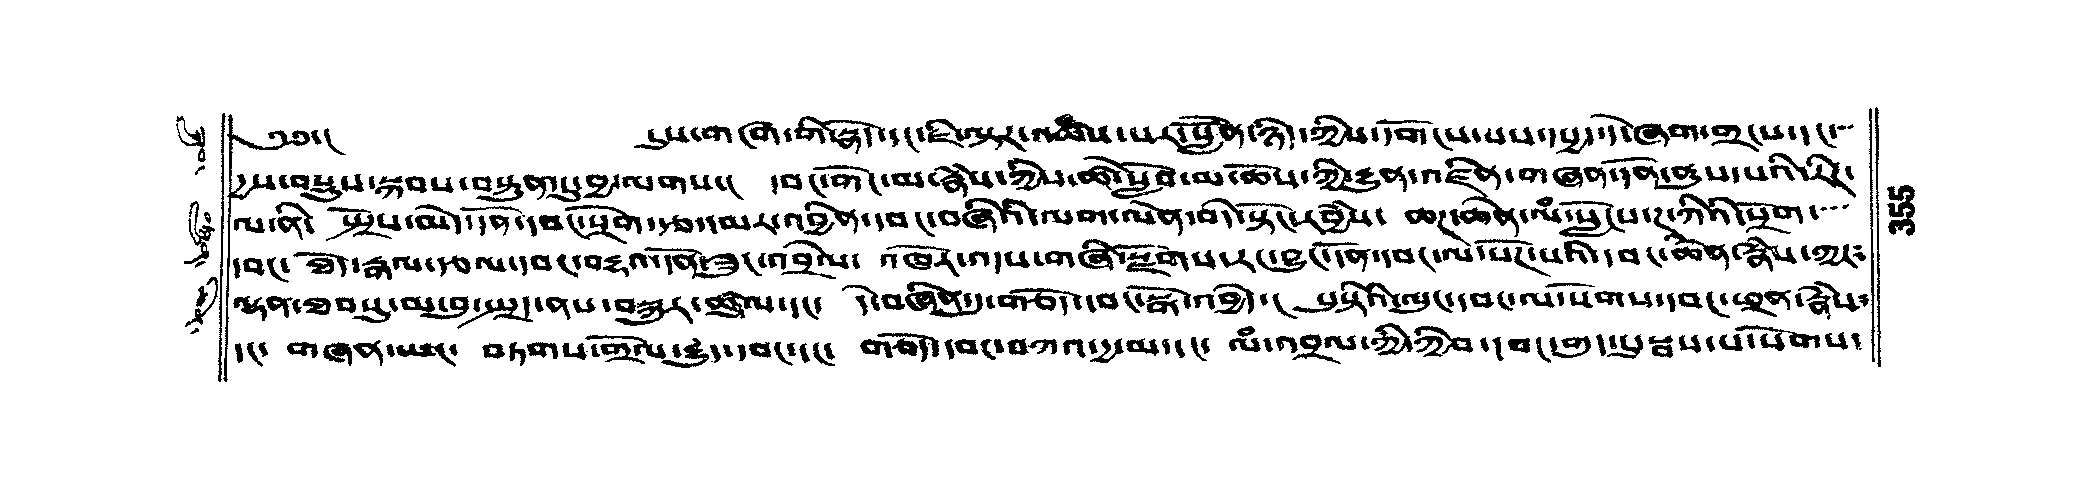དུས་གང་ཟག་གི་སྣོད་དང་ཇི་ལྟར་འཚམས་པར་སློབ་དཔོན་ཉིད་ཀྱིས་དགོགས་པས་དཔྱད་དེ་ཞག་གྲངས་དང་
རྒྱས་བསྡུས་སྐབས་བསྟུན་དུ་བྱ་ལགས། དབང་གོང་མ་རྣམས་ཀྱིས་ཚེ་སློབ་མ་ཆོས་ཀྱི་རྒྱུན་འཛིན་གཞན་དོན་ནུས་པའི་རིགས་
ལ་ནི། སྤྲོས་མེད་དོན་དབང་སྲེག་རྩ་དམར་འབྱིན་དབང་བཞིའི་ལག་ལེན་བདེ་སྟོང་རམ་འབྱམས། ཆགས་ཆེན་ལམ་སློངས་ཌཱ་ཀིའི་སྲོག་
དབང་། ཐོད་རྒལ་རྩལ་དབང་བརྡ་དོན་ཟུང་འབྲེལ། འཁོར་འདས་གཞི་རྫོགས་རང་བྱུང་དོན་དབང་ལ་སོགས་པའི་དབང་ཆེན་རྣམས་ཀྱང་
ལྷན་ཐབས་སུ་མ་བུ་སྤྲད་ནས་བསྐུར་ཚུལ་དང་།དེ་བཞིན་དུ་གཅོད་དབང་སྒོ་འབྱེད། པུ་སྟིའི་ལུང་དབང་ལ་སོགས་དབང་ཕྲན་རྣམས་
དང་། གཞན་ཡང་། བཏགས་གྲོལ་རྒྱུད་དབང་དང་། གཅོད་དབང་བཀའ་རྒྱ་མ་དང་། ལམ་འབྲས་ཀྱི་ཀྱིས་དབང་གུད་དུ་སྦས་པ་སོགས།